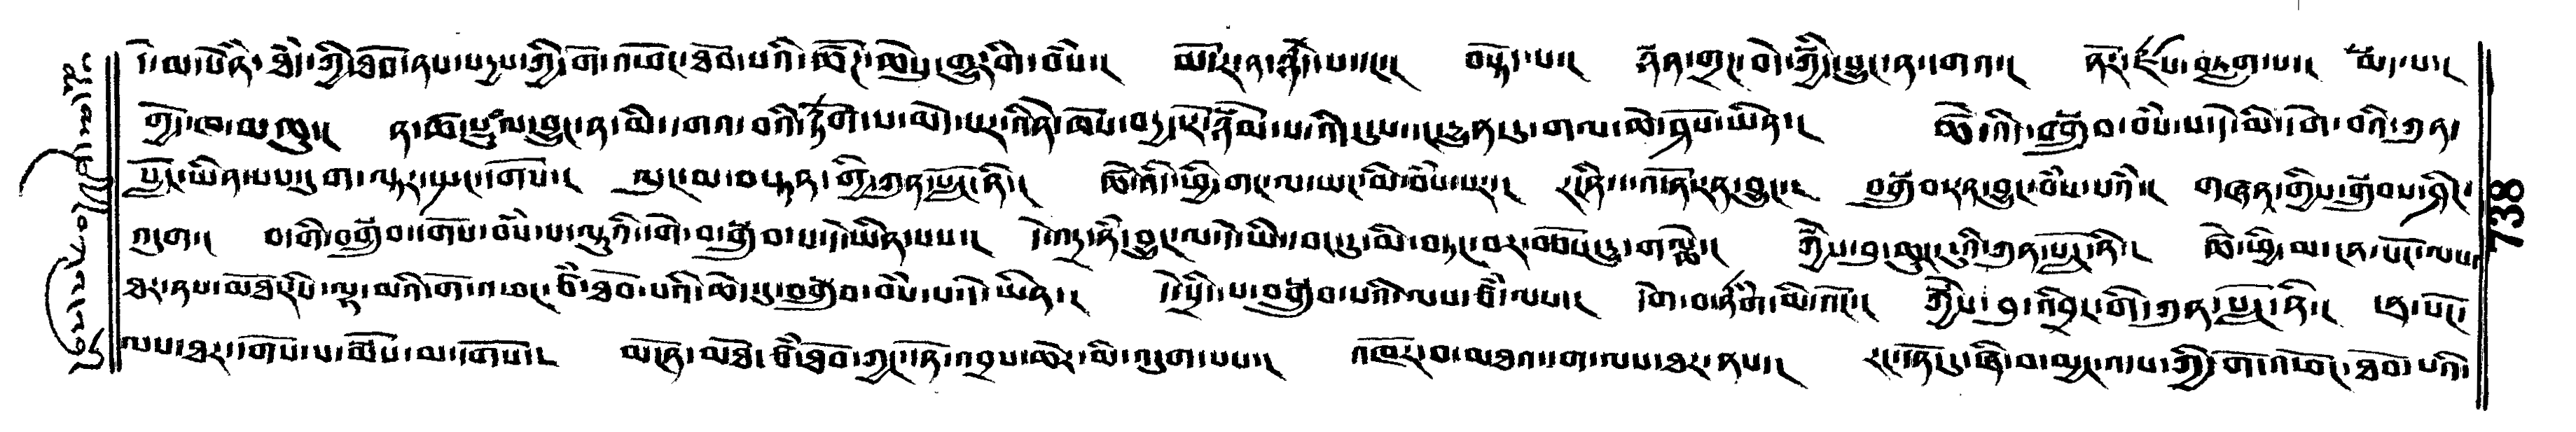དེ་མ་སེམས་ཅན་ཐམས་ཅད་ཀྱི་ཐོབ་ནས་སངས་རྒྱས་ཀྱི་གོ་འཕང་ཐོབ་པའི་ཚོགས་ཆོས་སུ་གྱུར་ཅིག་བསམ། མདོར་ན་རྙེད་པ་དང་། བསྟོད་པ། སྙན་གྲགས་བེད་སྐྱིད་བྱུང་ན་དགའ། ནོར་རྫས་བརླག་པ། སྨད་པ། 
གྱོད་ཁ་མཆུ། ན་ཚ་སྡུག་བསྔལ་བྱུང་ན་མི་དགའ་བའི་རྟོག་པ་མེད་པར་འཇིག་རྟེན་ཆོས་བརྒྱད་རོ་སྙོམས་པ་འདི་དུས་དང་རྒྱུན་དུ་གལ་ཆེ་ཤོས་ཡིན། ཚེ་འདི་བསྒྲུབ་བསམ་པ་དེ་མི་དགེ་བའི་ཀུན་
སློང་ཡིན་པས་དུག་ལྟར་སྤང་དགོས། ལུང་མ་བསྟན་གྱི་ཀུན་སློང་ནི། ཚེ་འདི་ཕྱི་གང་ལ་ཡང་མི་བསམ་པར། རང་གི་དོན་རན་བྱུང་། བསྒྲུབ་རན་བྱུང་བསམ་པའམ། གཞན་གྱིས་སྒྲུབ་ཅིང་
འདུག བདག་གི་བསྒྲུབ་དགོས་བསམ་པ་ལྟ་བུའི་དགེ་བ་སྒྲུབ་པ་དེ་ཡིན་པས། དེ་འདྲ་ནམ་བྱུང་ལ་དེ་ཡི་དབང་དུ་མི་བཏང་བར་བཅོས་རྒྱུ་གལ་ཆེ། སྐྱེས་བུ་ཆུང་ངུའི་ཀུན་སློང་ནི། ཚེ་ཕྱི་མ་ངན་སོང་ལས་
ཐར་ནས་མཐོ་རིས་ལྷ་མིའི་གོ་འཕང་ཙམ་ཐོབ་པའི་ཆེད་དུ་བསྒྲུབ་བསམ་པའོ་ཡིན། དེ་སྲིད་པ་བསྒྲུབ་པའི་ལས་ཙམ་ལས། དགེ་བ་རྣམ་དག་མི་འོང་། སྐྱེས་བུ་འབྲིང་གི་ཀུན་སློང་ནི། ངན་སོང་
ལས་ཐར་གསོལ་སྨོས་མ་དགོས། མངོན་མཐོ་ཙམ་ཐོབ་ཀྱང་དོན་འབྲས་ཆེར་མི་འདུག་པས། འཁོར་བ་མཐའ་དག་ལས་ཐར་ནས། རང་དོན་དུ་ཞི་བ་མྱང་འདས་ཀྱི་གོ་འཕང་ཐོབ་པའི་